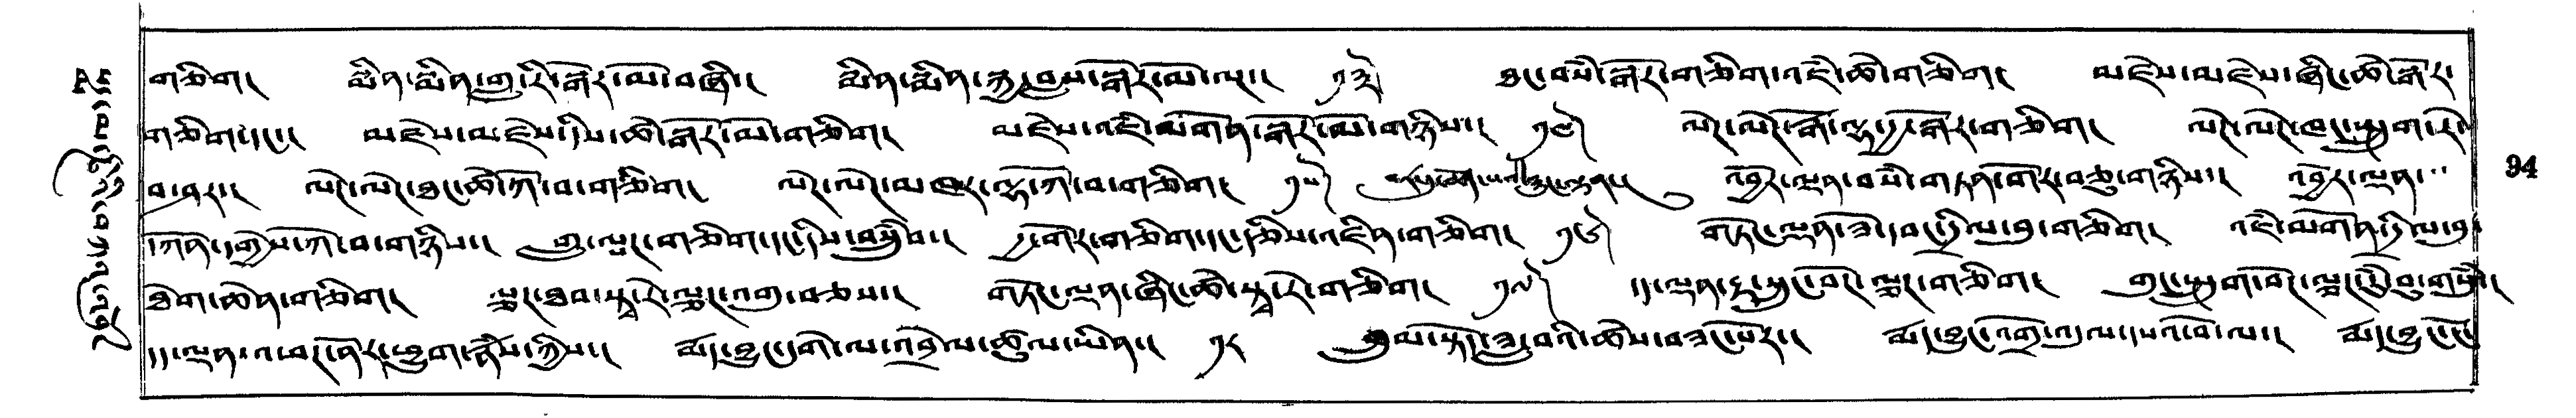གཅིག ། སྨིན་སྨིན་གླ་རི་སྒོར་མོ་བཞི། །སྨིན་སྨིན་སྐྱ་བླས་སྒོར་མོ་ལྔ། ། ༡༣༽ ཐང་བསམ་སྒོར་གཅིག་འཇམ་ཚེ་གཅིག །མཛེས་མཛེས་ཞིང་ཚེ་སྒོར་གཅིག་དང་། །མཛེས་མཛེས་དེས་ཚེ་སྒོར་མོ་
གཅིག །མཛེས་མཛེས་འཇམ་མགོན་སྒོར་མོ་གཉིས། ། ༡༤༽ ལེགས་ལེགས་རྒོ་ལྷ་རྒྱ་སྒོར་གཅིག །ལེགས་ལེགས་ཁང་སྤྲུག་རེ་
བ་ཤར། །ལེགས་ལེགས་ཐང་ཚེ་ཀོ་བ་གཅིག །ལེགས་ལེགས་མཁར་ལྷ་ཀོ་བ་གཅིག ། ༡༥༽ བར་དུ་ཆོད་པའི་ཟུང་ལྡན། འབྱོར་ལྡན་བསམ་གཏན་སྒོར་བཅུ་གཉིས། །འབྱོར་ལྡན་
དཀོན་དགྱེས་ཀོ་བ་གཉིས། །གླ་ལྤགས་གཅིག་དང་དིས་བསམ་གྲུབ། །རྒྱ་སྒོར་གཅིག་དང་རྩིས་འཛིན་གཅིག ། ༡༦༽ གཏོང་ལྡན་ཟོ་དབང་དྲིལ་བུ་གཅིག །འཇམ་མགོན་དྲིལ་བུ་
ཐེག་ཆེན་གཅིག ལྕགས་ཐབ་སྟ་རེ་ལྕགས་འགུ་བཅས། །གཏོང་ལྡན་ཞིང་ཆེ་སྟ་རེ་གཅིག ། ༡༧༽ དད་ལྡན་རྟ་སྲུང་བོགས་ལྕགས་གཅིག ། །གུང་སྤྲུག་བོགས་ལྕགས་དུམ་བུ་གསུམ། །
དད་ལྡན་འཕགས་ནོར་ཕྱུག་རྣམས་ཀྱིས། །རྨད་བྱུང་དགེ་ལ་འབྲེལ་ཚུལ་ཡིན། ། ༡༨༽ ཁྲུམས་སྟོད་ཟླ་བའི་ཚེས་བཟང་པོར། །རྨད་བྱུང་འགྲོ་འདུལ་དཔའ་བོ་ལ། །རྨད་བྱུང་ངོ་